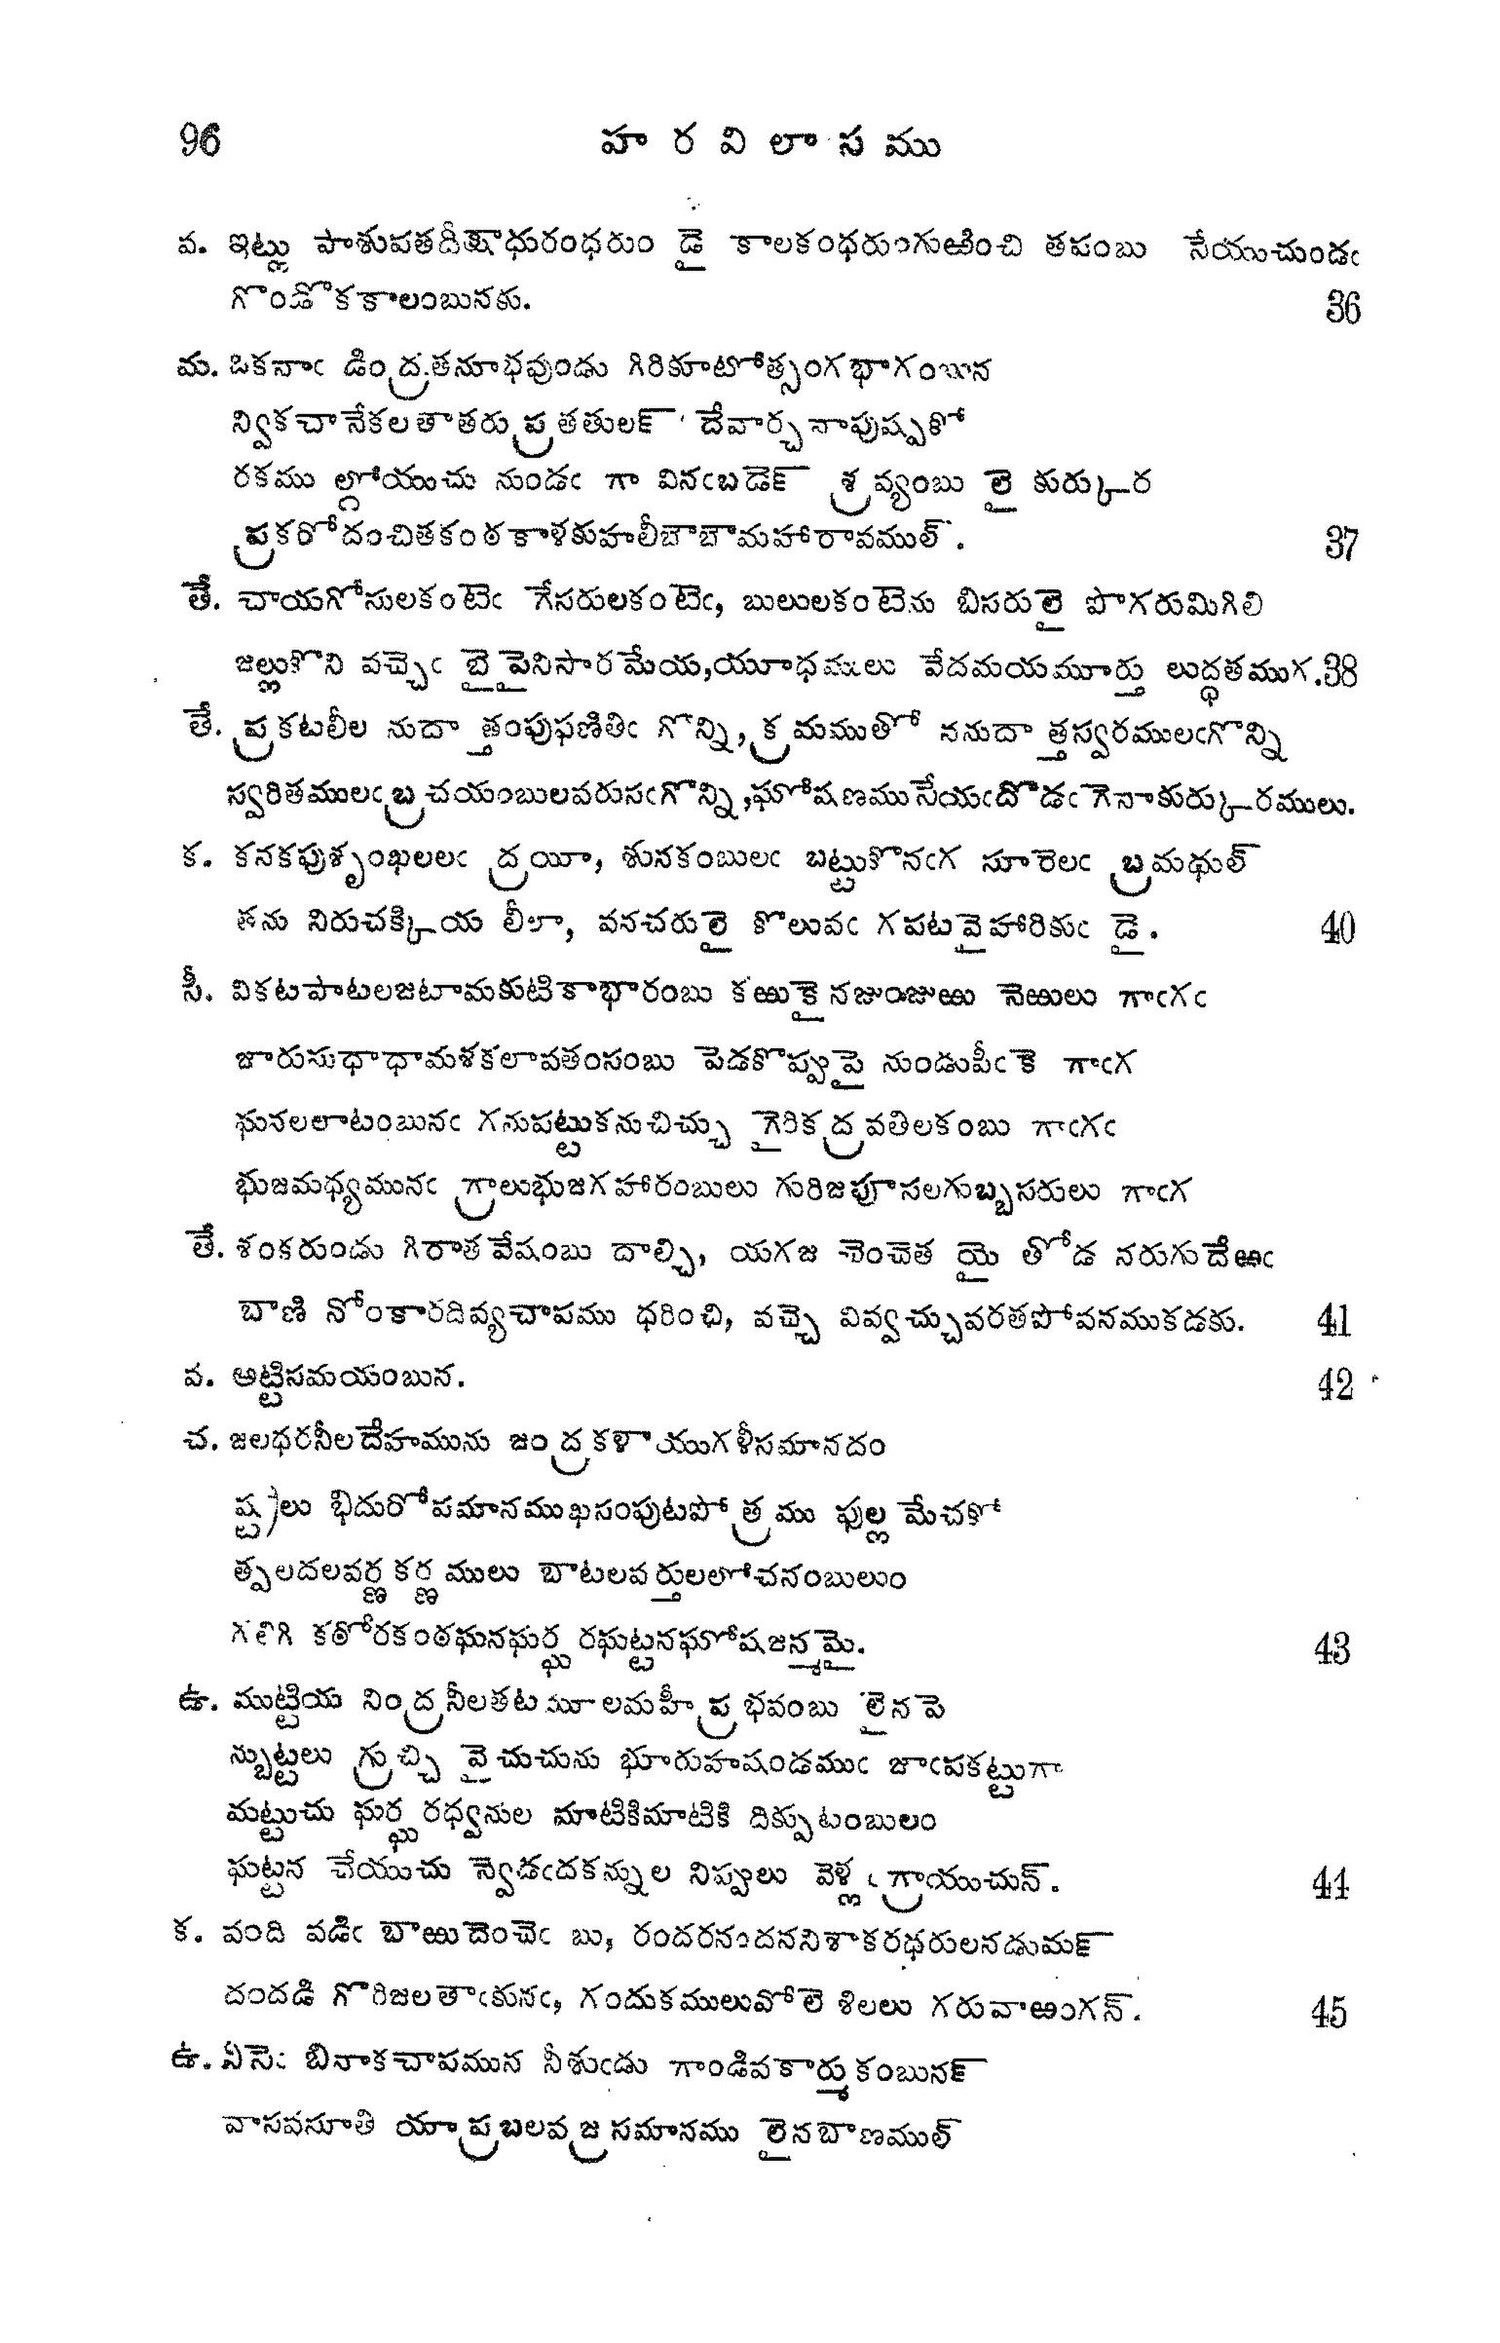వ. ఇట్లు పాశుపతదీక్షాధురంధరుం డై కాలకంధరుంగుఱించి తపంబు సేయుచుండఁ గొండొకకాలంబునకు. 36

మ. ఒకనాఁ డింద్రతనూభవుండు గిరికూటోత్సంగభాగంబున
న్వికచానేకలతాతరుప్రతతులన్ దేవార్చనాపుష్పకో
రకము ల్గోయుచు నుండఁగా వినఁబడెన్ శ్రవ్యంబు లై కుర్కుర
ప్రకరోదంచితకంఠకాళకుహలీబౌబౌమహారావముల్. 37

తే. చాయగోసులకంటెఁ గేసరులకంటెఁ, బులులకంటెను బిసరులై పొగరుమిగిలి
జల్లుకొని వచ్చెఁ బైపైనిసారమేయ,యూధములు వేదమయమూర్తు లుద్ధతముగ.38

తే. ప్రకటలీల నుదాత్తంపుఫణితిఁ గొన్ని, క్రమముతో ననుదాత్తస్వరములఁ గొన్ని
స్వరితములఁ బచయంబులవరుసఁ గొన్ని, ఘోషణము సేయఁదొడఁగె నాకుర్కురములు. 39

క. కనకపుశృంఖలలఁ ద్రయీ, శునకంబులఁ బట్టుకొనఁగ సూరెలఁ బ్రమథుల్
తమ నిరుచక్కియ లీలా, వనచరులై కొలువఁ గపటవైహారికుఁ డై. 40

సీ. వికటపాటలజటామకుటికాభారంబు కఱుకైనజుంజుఱునెఱులు గాఁగఁ
జారుసుధాధామశకలావతంసంబు పెడకొప్పుపై నుండుపీఁకె గాఁగ
ఘనలలాటంబునఁ గనుపట్టుకనుచిచ్చు గైరికద్రవతిలకంబు గాఁగఁ
భుజమధ్యమునఁ గ్రాలుభుజగహారంబులు గురిజపూసలగుబ్బసరులు గాఁగ
తే. శంకరుండు గిరాతవేషంబు దాల్చి, యగజ చెంచెత యై తోడ నరుగుదేఱఁ
బాణి నోంకారదివ్యచాపము ధరించి, వచ్చె వివ్వచ్చువరతపోవనముకడకు. 41

వ. అట్టిసమయంబున. 42

చ. జలధరనీలదేహమును జంద్రకళాయుగళీసమానదం
ష్ట్రలు భిదురోపమానముఖసంపుటపోత్రము ఫుల్లమేచకో
త్పలదలవర్ణకర్ణములు బాటలవర్తులలోచనంబులుం
గలిగి కఠోరకంఠఘనఘర్ఘరఘట్టనఘోషజన్మమై. 43

ఉ. ముట్టియ నింద్రనీలతటమూలమహీప్రభవంబు లైనపె
న్బుట్టలు గ్రుచ్చి వైచుచును భూరుహషండముఁ జాఁపకట్టుగా
మట్టుచు ఘర్ఘరధ్వనుల మాటికిమాటికి దిక్పుటంబులం
ఘట్టన చేయుచు న్వెడఁదకన్నుల నిప్పులు వెళ్లఁగ్రాయుచున్ 44

క. పంది వడిఁ బాఱుదెంచెఁ బు, రందరనందననిశాకరధరులనడుమన్
దందడి గొరిజలతాఁకునఁ, గందుకములువోలె శిలలు గరువాఱంగన్. 45

ఉ. ఏసెఁ బినాకచాపమున నీశుఁడు గాండివకార్ముకంబునన్
వాసవసూతి యాప్రబలవజ్రసమానము లైనబాణముల్